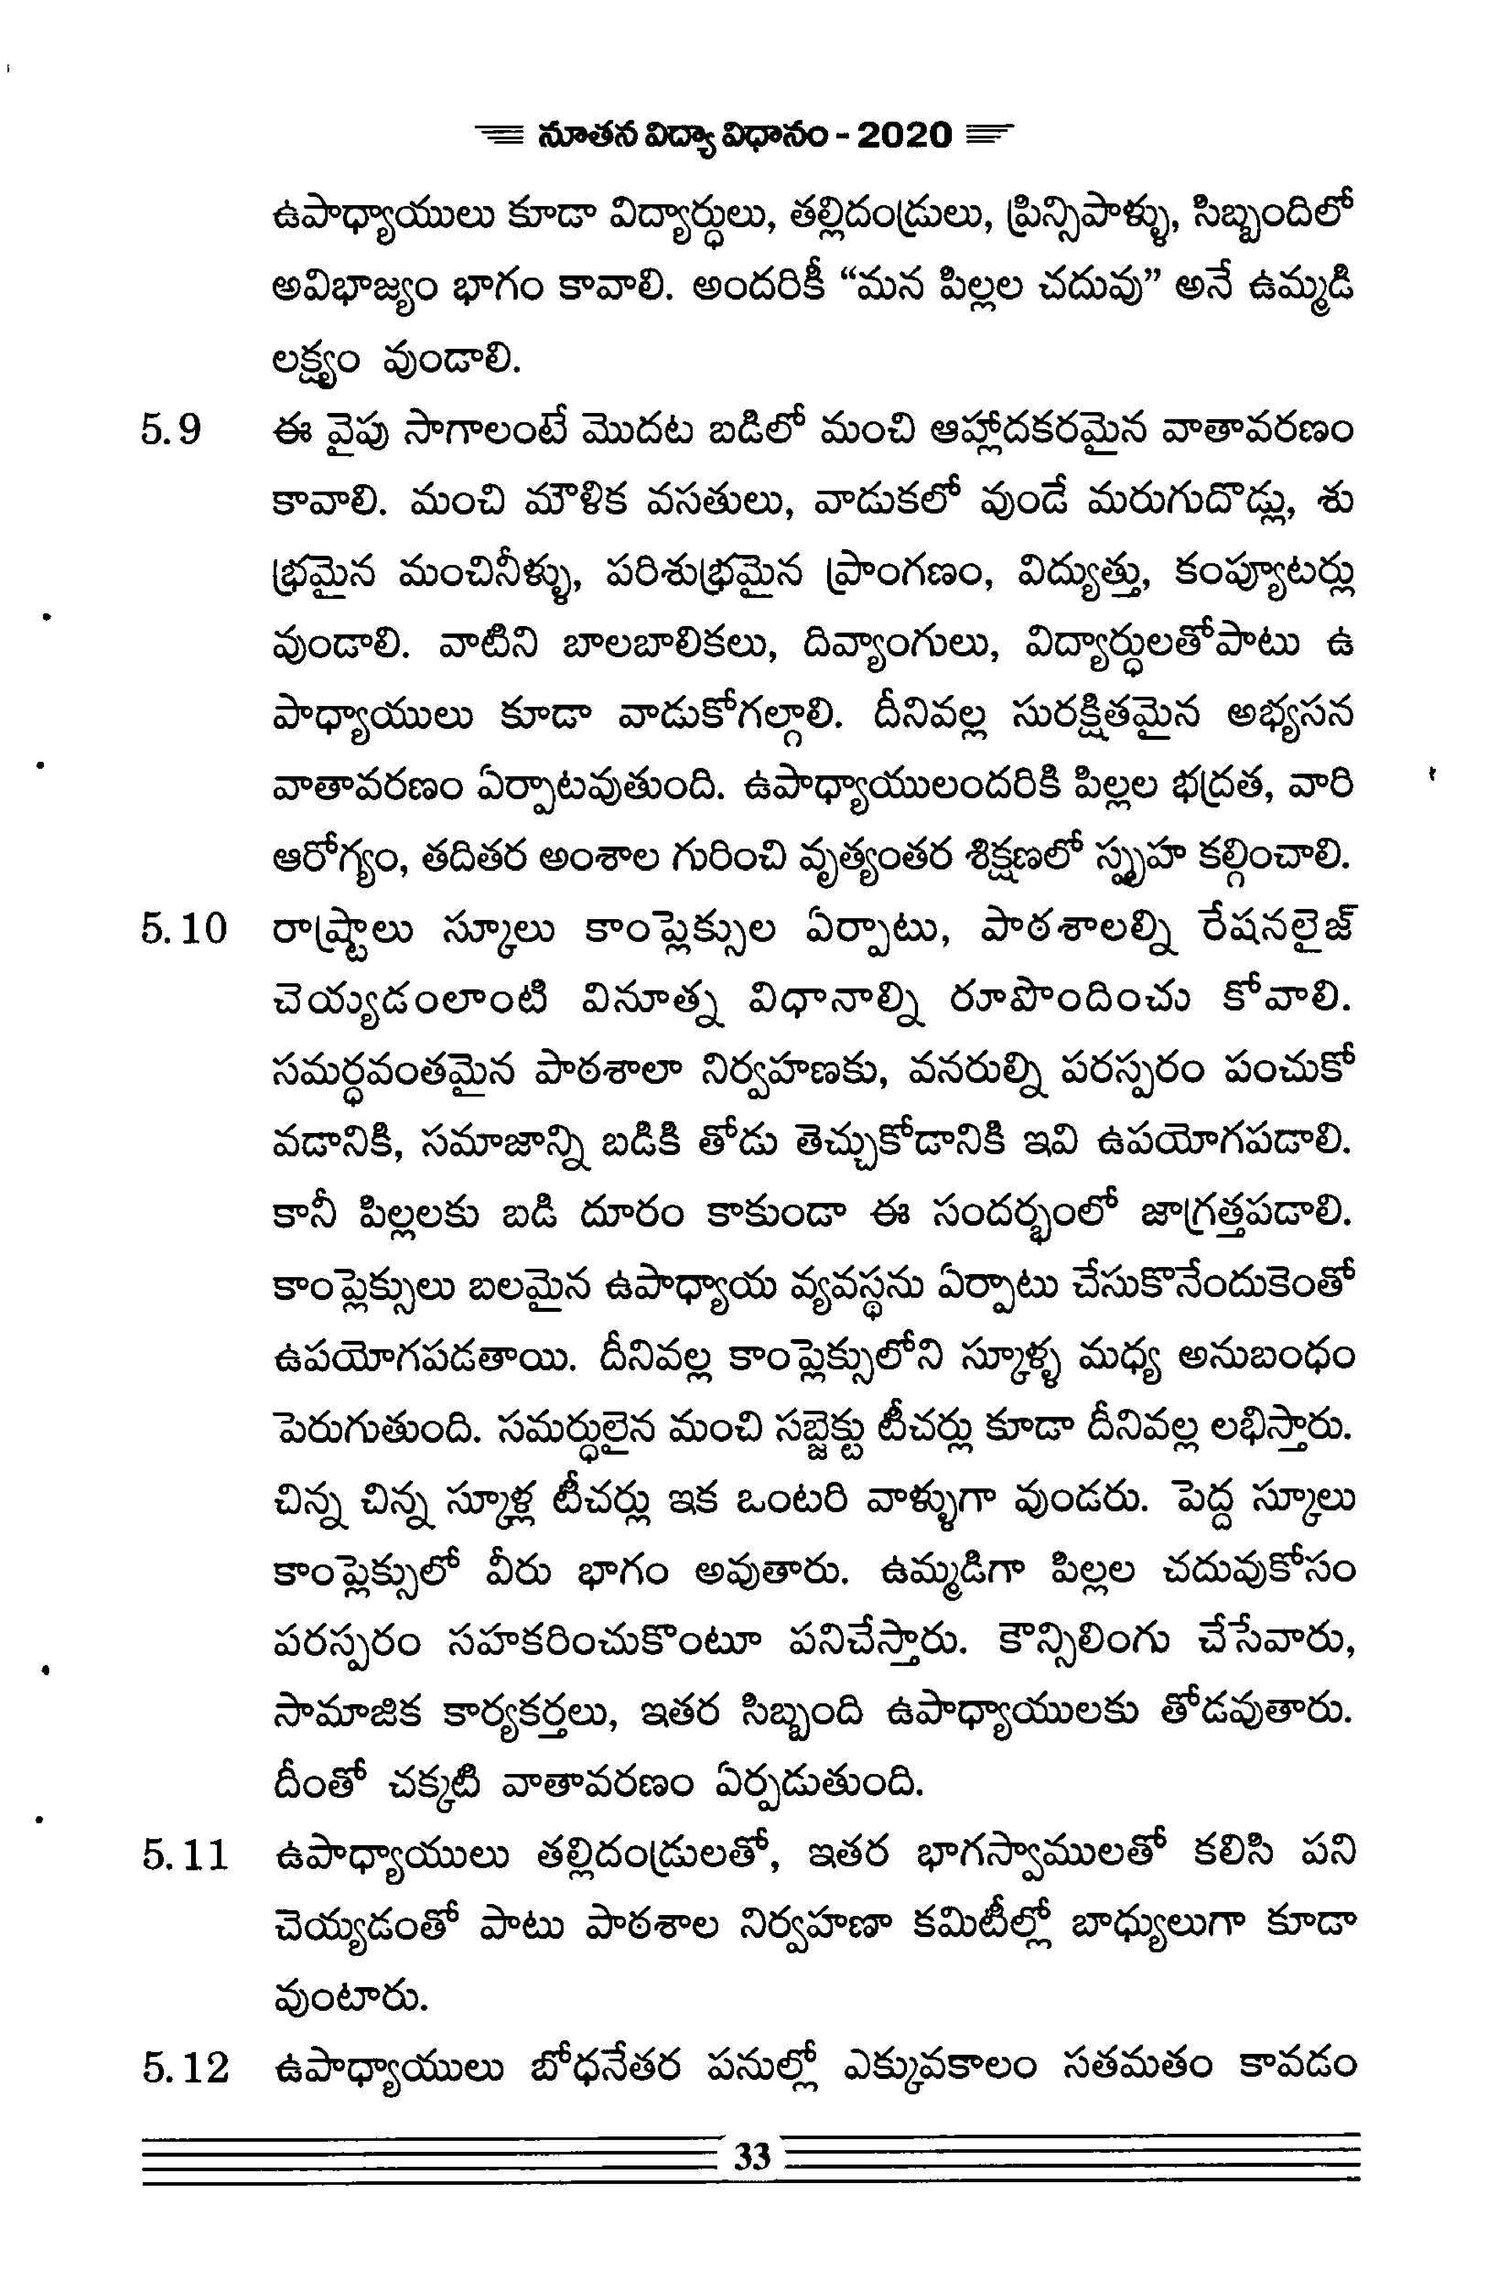ఉపాధ్యాయులు కూడా విద్యార్థులు, తల్లిదండ్రులు, ప్రిన్సిపాళ్ళు, సిబ్బంది మధ్య అవిభాజ్య భాగంగా ఉండాలి. అందరికీ “మన పిల్లల చదువు” అనే ఉమ్మడి లక్ష్యం ఉండాలి.

5.9 ఈ దిశగా ముందుకు పోవాలంటే మొదట పాఠశాలలో మంచి, ఆహ్లాదకరమైన వాతావరణం ఉండాలి. మంచి మౌళిక సదుపాయాలు, వాడుకలో ఉండే మరుగుదొడ్లు, శుభ్రమైన మంచినీళ్ళు, పరిశుభ్రమైన ప్రాంగణం, విద్యుత్, కంప్యూటర్లు ఉండాలి. వాటిని బాలబాలికలు, దివ్యాంగులు, విద్యార్థులతో పాటు ఉపాధ్యాయులు కూడా సులభంగా వాడుకోగలగాలి. దీనివల్ల సురక్షితమైన అభ్యాస వాతావరణం ఏర్పడుతుంది. ఉపాధ్యాయులందరికి పిల్లల భద్రత, వారి ఆరోగ్యం తదితర అంశాలపై వృత్యంతర శిక్షణలో స్పృహ కలగాలని చూడాలి.

5.10 రాష్ట్రాలు పాఠశాల కాంప్లెక్సుల ఏర్పాట్లు, పాఠశాలలను రేషనలైజ్ చేయడం వంటి వినూత్న విధానాలను రూపొందించుకోవాలి. సమర్ధవంతమైన పాఠశాల నిర్వహణకు, వనరులను పరస్పరం పంచుకోవడానికి, సమాజాన్ని పాఠశాలకు తోడుగా తీసుకురావడానికి ఇవి ఉపయోగపడాలి. కానీ పిల్లలకు పాఠశాల దూరంగా కాకుండా జాగ్రత్త పడాలి.
కాంప్లెక్సులు బలమైన ఉపాధ్యాయ వ్యవస్థను ఏర్పాటు చేసుకోవడానికి చాలా ఉపయోగపడతాయి. దీనివల్ల కాంప్లెక్సులోని పాఠశాలల మధ్య అనుబంధం పెరుగుతుంది. మంచి, సమర్థవంతమైన సబ్జెక్టు టీచర్లు కూడా అందుబాటులోకి రానున్నారని భావించవచ్చు. చిన్న చిన్న పాఠశాలల టీచర్లు ఇక ఒంటరిగా ఉండరు. పెద్ద పాఠశాల కాంప్లెక్సులో భాగమై, ఉమ్మడి విధానంలో పిల్లల చదువుకు పరస్పరం సహకరించుకుంటారు. కౌన్సిలింగ్, సామాజిక కార్యకర్తలు, ఇతర సిబ్బంది ఉపాధ్యాయులకు తోడ్పడతారు. దాంతో మంచి వాతావరణం ఏర్పడుతుంది.

5.11 ఉపాధ్యాయులు తల్లిదండ్రులతో, ఇతర భాగస్వాములతో కలిసి పని చేయడంతో పాటు పాఠశాల నిర్వహణ కమిటీల్లో బాధ్యతాయుత వ్యక్తులుగా కూడా ఉంటారు.

5.12 ఉపాధ్యాయులు బోధనేతర పనుల్లో ఎక్కువ కాలం సతమతం కావడం ...